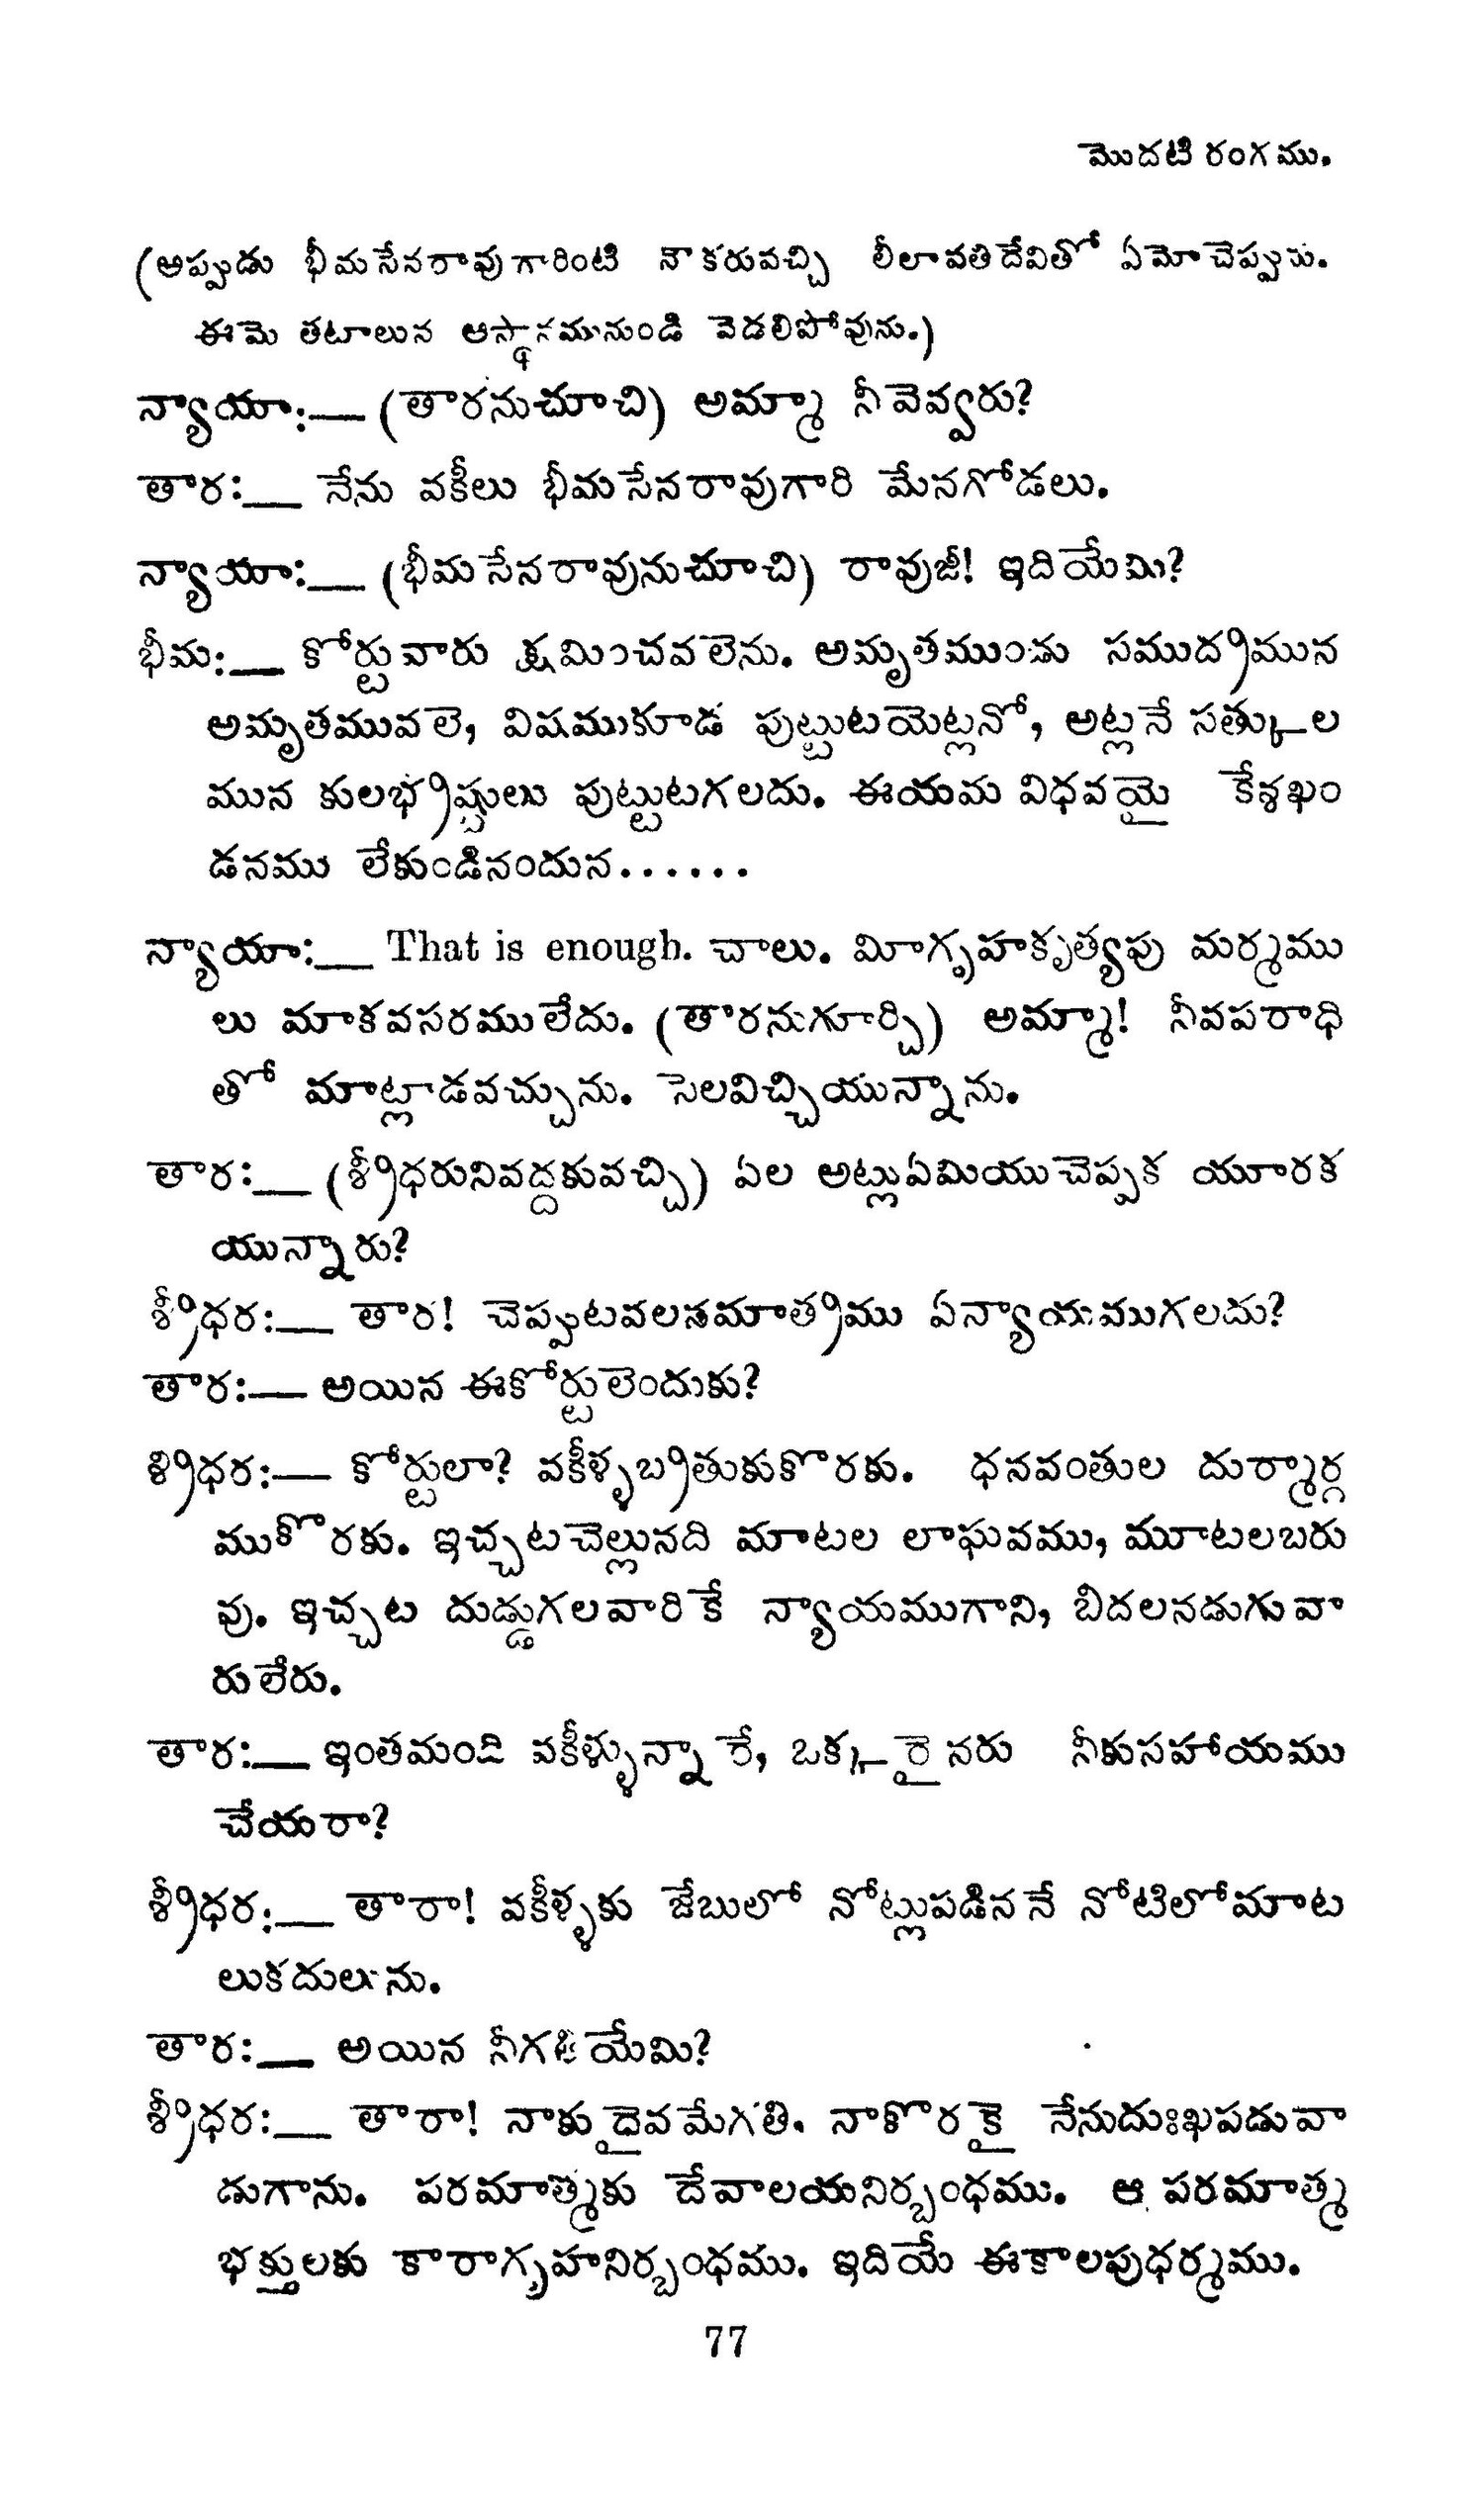(అప్పుడు బీమసేనరావు గారింటి నౌకరువచ్చి లీలావతి దేవితో ఏమొచెప్పును. ఈమె తటాలున ఆస్ధానమునుండి వెడలిపొయెను)

న్యాయా:-(తారనుచూచి) అమ్మా నీవెవ్వరు?

తార:- నేను వకీలు భీమసేనరావుగారి మేనకొడలు.

న్యాయా:-(భీమసేనరావునుచూచి) రావుజీ! ఇదియేమి?

భీమ:-కొర్టువారు క్ద్షమించవలెను. అమృతముండు సముద్రమున అమృతమువలె, విషముగూడ పుట్టుట యెట్లో, అట్లనే సత్కులమున కులభ్రష్టులు పుట్తగలరు. ఈయమ విధవయై కేశఖండనము లేకుండినందున...

న్యాయా:-That is enough. చాలు. మీగృహకృత్యపు మర్మములు మాకవసరములేదు. (తారనుగూర్చి) అమ్మా! నీవపరాధితో మాట్లాడవచ్చును. సెలవిచ్చియున్నాను.

తార:- (శ్రీధరునివద్దకువచ్చి) ఏల అట్లుఏమియు చెప్పక యూరక యున్నారు?

శ్రీధర:- తార! చెప్పుట వలన మాత్రము ఏన్యాయము గలదు?

తార:- అయిన ఈకొర్టు లెందుకు?

శ్రీధర:-కొర్టులా? వకీళ్ళబ్రత్కుకొరకు. ధనవంతుల దుర్మార్గము కొరకు, ఇచ్చట చెల్లునది మాటల లాఘవము, మాటల బరువు. ఇచ్చట దుడ్డు గలవారికే న్యాయముగాని, బీదలనడుగు వారులేరు.

తార:-ఇంతమంది వకీళ్ళున్నారే, ఒక్కరైనను నీకు సహాయము చేయరా?

శ్రిధర;-తారా! వకీళ్ళకు జేబులొ నొట్లుపడిననే నోటిలొ మాటలు కదులును.

తార:- అయిన నీగతి యేమి/

శ్రిధర;-తారా! నాకు దైవమేగతి. నాకొరకై నెనుదు:ఖ పడువాడుగాను. పరమాత్మకు దేవాలయ నిర్భంధము ఆ పరమాత్మ భక్తులకు కారాగృహ నిర్భందము. ఇదియే ఈకాలపుధర్మము.